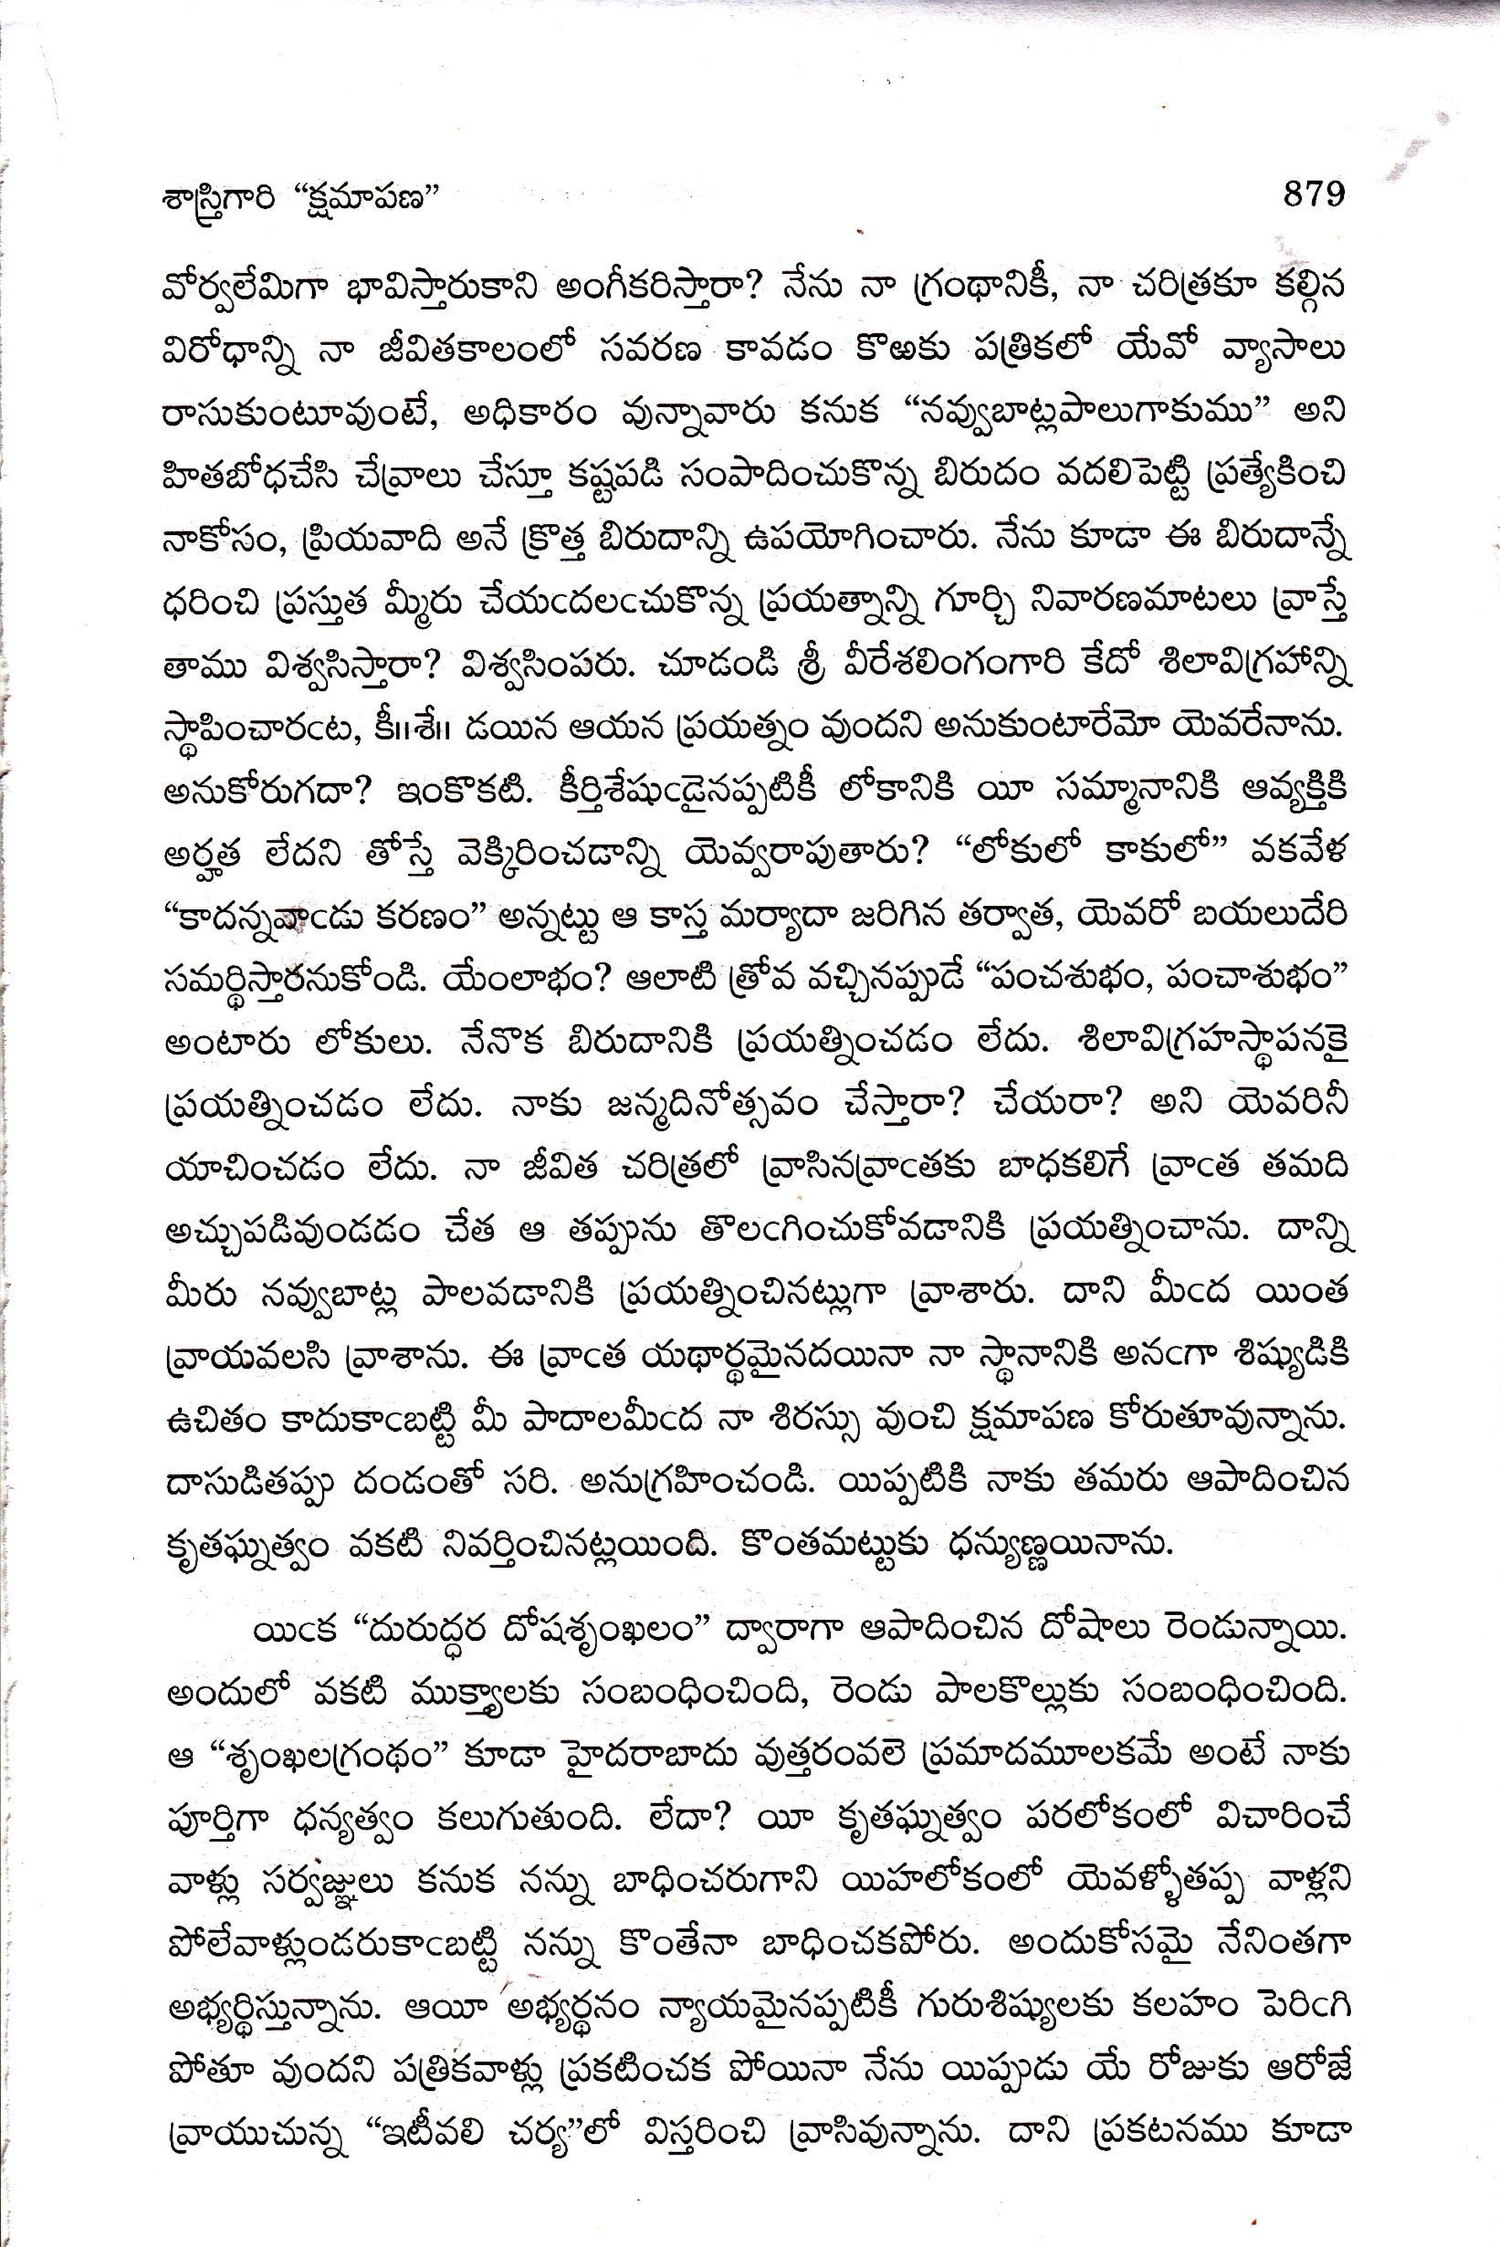వోర్వలేమిగా భావిస్తారుకాని అంగీకరిస్తారా? నేను నా గ్రంథానికీ, నా చరిత్రకూ కల్గిన విరోధాన్ని నా జీవితకాలంలో సవరణ కావడం కొఱకు పత్రికలో యేవో వ్యాసాలు రాసుకుంటూవుంటే, అధికారం వున్నావారు కనుక “నవ్వుబాట్లపాలుగాకుము" అని హితబోధచేసి చేవ్రాలు చేస్తూ కష్టపడి సంపాదించుకొన్న బిరుదం వదలిపెట్టి ప్రత్యేకించి నాకోసం, ప్రియవాది అనే క్రొత్త బిరుదాన్ని ఉపయోగించారు. నేను కూడా ఈ బిరుదాన్నే ధరించి ప్రస్తుత మ్మీరు చేయఁదలఁచుకొన్న ప్రయత్నాన్ని గూర్చి నివారణమాటలు వ్రాస్తే తాము విశ్వసిస్తారా? విశ్వసింపరు. చూడండి శ్రీ వీరేశలింగంగారి కేదో శిలావిగ్రహాన్ని స్థాపించారఁట. కీ||శే|| డయిన ఆయన ప్రయత్నం వుందని అనుకుంటారేమో యెవరేనాను. అనుకోరుగదా? ఇంకొకటి. కీర్తిశేషుఁడైనప్పటికీ లోకానికి యీ సమ్మానానికి ఆవ్యక్తికి అర్హత లేదని తోస్తే వెక్కిరించడాన్ని యెవ్వరాపుతారు? "లోకులో కాకులో "వకవేళ “కాదన్నవాఁడు కరణం" అన్నట్టు ఆ కాస్త మర్యాదా జరిగిన తర్వాత, యెవరో బయలుదేరి సమర్థిస్తారనుకోండి. యేంలాభం? ఆలాటి త్రోవ వచ్చినప్పుడే "పంచశుభం, పంచాశుభం" అంటారు లోకులు. నేనొక బిరుదానికి ప్రయత్నించడం లేదు. శిలావిగ్రహస్థాపనకై ప్రయత్నించడం లేదు. నాకు జన్మదినోత్సవం చేస్తారా? చేయరా? అని యెవరినీ యాచించడం లేదు. నా జీవిత చరిత్రలో వ్రాసినవ్రాఁతకు బాధకలిగే వ్రాcత తమది అచ్చుపడివుండడం చేత ఆ తప్పును తొలఁగించుకోవడానికి ప్రయత్నించాను. దాన్ని మీరు నవ్వుబాట్ల పాలవడానికి ప్రయత్నించినట్లుగా వ్రాశారు. దాని మీఁద యింత వ్రాయవలసి వ్రాశాను. ఈ వ్రాఁత యథార్థమైనదయినా నా స్థానానికి అనఁగా శిష్యుడికి ఉచితం కాదుకాఁబట్టి మీ పాదాలమీఁద నా శిరస్సు వుంచి క్షమాపణ కోరుతూవున్నాను. దాసుడితప్పు దండంతో సరి. అనుగ్రహించండి. యిప్పటికి నాకు తమరు ఆపాదించిన కృతఘ్నత్వం వకటి నివర్తించినట్లయింది. కొంతమట్టుకు ధన్యుణ్ణయినాను.

యిఁక “దురుద్ధర దోషశృంఖలం" ద్వారాగా ఆపాదించిన దోషాలు రెండున్నాయి. అందులో వకటి ముక్త్యాలకు సంబంధించింది, రెండు పాలకొల్లుకు సంబంధించింది. ఆ “శృంఖలగ్రంథం" కూడా హైదరాబాదు వుత్తరంవలె ప్రమాదమూలకమే అంటే నాకు పూర్తిగా ధన్యత్వం కలుగుతుంది. లేదా? యీ కృతఘ్నత్వం పరలోకంలో విచారించే వాళ్లు సర్వజ్ఞులు కనుక నన్ను బాధించరుగాని యిహలోకంలో యెవళ్ళోతప్ప వాళ్లని పోలేవాళ్లుండరుకాcబట్టి నన్ను కొంతేనా బాధించకపోరు. అందుకోసమై నేనింతగా అభ్యర్థిస్తున్నాను. ఆయీ అభ్యర్ధనం న్యాయమైనప్పటికీ గురుశిష్యులకు కలహం పెరిఁగి పోతూ వుందని పత్రికవాళ్లు ప్రకటించక పోయినా నేను యిప్పుడు యే రోజుకు ఆరోజే వ్రాయుచున్న "ఇటీవలి చర్య"లో విస్తరించి వ్రాసివున్నాను. దాని ప్రకటనము కూడా